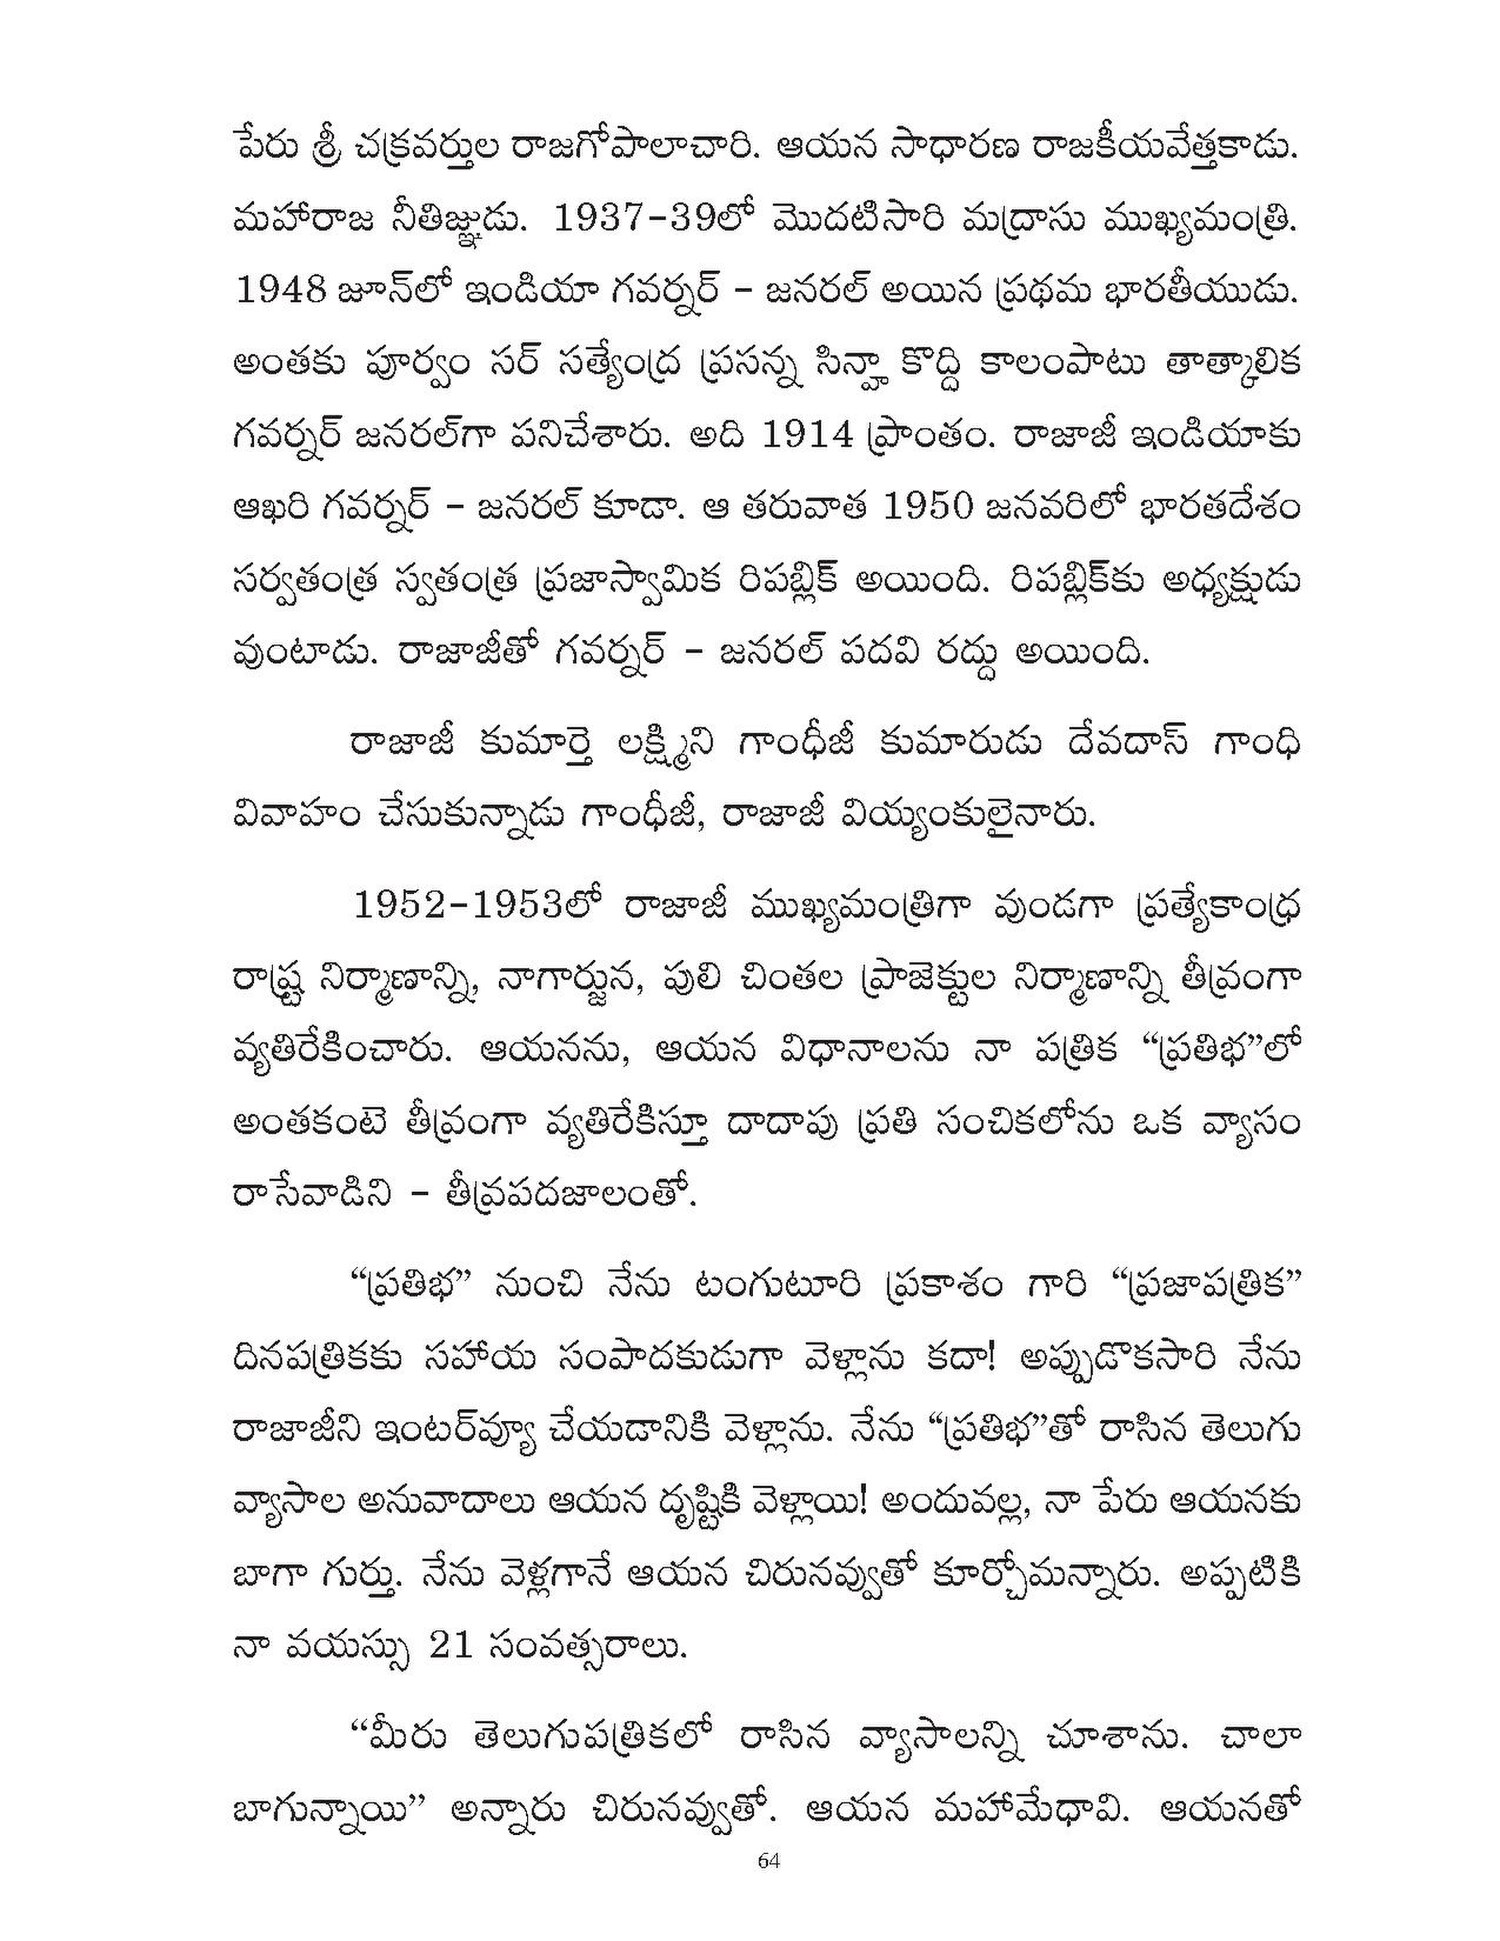పేరు శ్రీ చక్రవర్తుల రాజగోపాలాచారి. ఆయన సాధారణ రాజకీయవేత్తకాడు.
మహారాజ నీతిజ్ఞుడు. 1937-39లో మొదటిసారి మద్రాసు ముఖ్యమంత్రి.
1948 జూన్‌లో ఇండియా గవర్నర్‌ - జనరల్‌ అయిన ప్రథమ భారతీయుడు.
అంతకు పూర్వం సర్‌ సత్యేంద్ర ప్రసన్న సిన్హా కొద్ది కాలంపాటు తాత్కాలిక
గవర్నర్‌ జనరల్‌గా పనిచేశారు. అది 1914 ప్రాంతం. రాజాజీ ఇండియాకు
ఆఖరి గవర్నర్‌ - జనరల్‌ కూడ. ఆ తరువాత 1950 జనవరిలో భారతదేశం
సర్వతంత్ర స్వతంత్ర ప్రజాస్వామిక రిపబ్లిక్‌ అయింది. రిపబ్లిక్‌కు అధ్యక్షుడు
వుంటాడు. రాజాజీతో గవర్నర్‌ - జనరల్‌ పదవి రద్దు అయింది.

రాజాజీ కుమార్తె లక్ష్మిని గాంధీజీ కుమారుడు దేవదాస్‌ గాంధి
వివాహం చేసుకున్నాడు గాంధీజీ, రాజాజీ వియ్యంకులైనారు.

1952-1953లో రాజాజీ ముఖ్యమంత్రిగా వుండగా ప్రత్యేకాంధ్ర
రాష్ట్ర నిర్మాణాన్ని, నాగార్జున, పులి చింతల ప్రాజెక్టుల నిర్మాణాన్ని తీవ్రంగా
వ్యతిరేకించారు. ఆయనను, ఆయన విధానాలను నా పత్రిక "ప్రతిభ"లో
అంతకంటె తీవ్రంగా వ్యతిరేకిస్తూ దాదాపు ప్రతి సంచికలోను ఒక వ్యాసం
రాసేవాడిని - తీవ్రపదజాలంతో.

"ప్రతిభ" నుంచి నేను టంగుటూరి ప్రకాశం గారి "ప్రజాపత్రిక"
దినపత్రికకు సహాయ సంపాదకుడుగా వెళ్లాను కదా! అప్పుడొకసారి నేను
రాజాజీని ఇంటర్‌వ్యూ చేయడానికి వెళ్లాను. నేను "ప్రతిభ" లో రాసిన తెలుగు
వ్యాసాల అనువాదాలు ఆయన దృష్టికి వెళ్లాయి! అందువల్ల, నా పేరు ఆయనకు
బాగా గుర్తు. నేను వెళ్లగానే ఆయన చిరునవ్వుతో కూర్చోమన్నారు. అప్పటికి
నా వయస్సు 21 సంవత్సరాలు.

"మీరు తెలుగుపత్రికలో రాసిన వ్యాసాలన్ని చూశాను. చాలా
బాగున్నాయి" అన్నారు చిరునవ్వుతో. ఆయన మహామేధావి. ఆయనతో